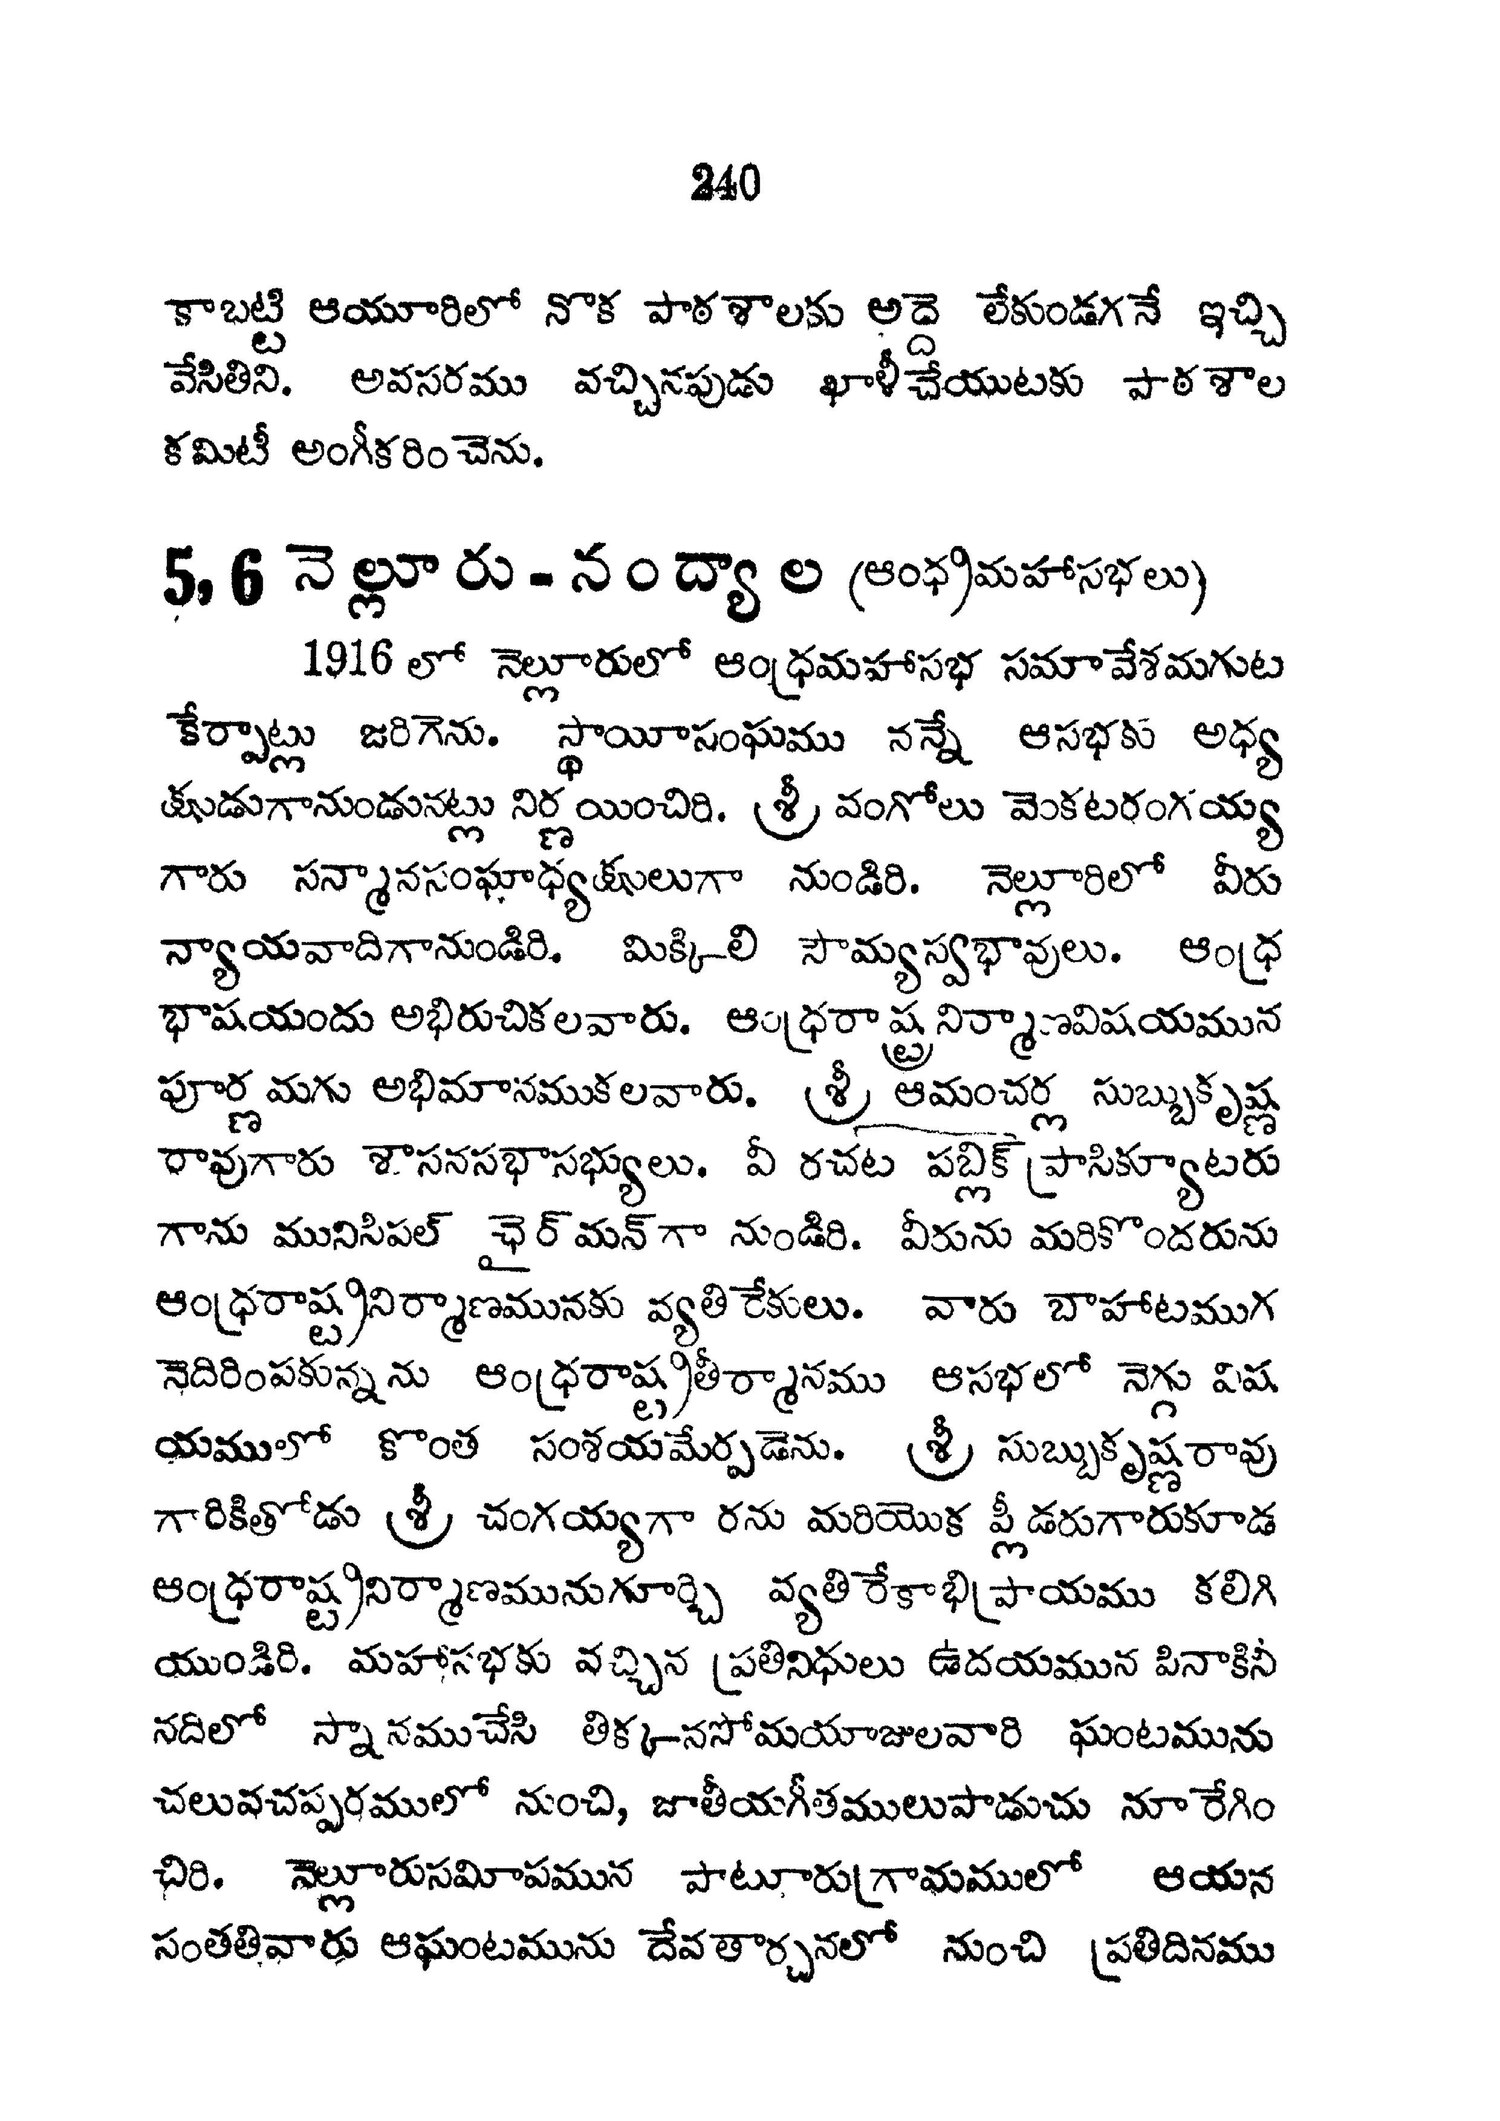కాబట్టి ఆయూరిలో నొక పాఠశాలకు అద్దె లేకుండగనే ఇచ్చి వేసితిని. అవసరము వచ్చినపుడు ఖాళీచేయుటకు పాఠశాలకమిటీ అంగీకరించెను.

1916 లో నెల్లూరులో ఆంధ్రమహాసభ సమావేశమగుట కేర్పాట్లు జరిగెను. స్థాయీసంఘము నన్నే ఆసభకు అధ్యక్షుడుగానుండునట్లు నిర్ణయించిరి. శ్రీ వంగోలు వెంకటరంగయ్యగారు సన్మాన సంఘాధ్యక్షులుగా నుండిరి. నెల్లూరిలో వీరు న్యాయవాదిగానుండిరి. మిక్కిలి సౌమ్యస్వభావులు. ఆంధ్రభాషయందు అభిరుచికలవారు. ఆంధ్రరాష్ట్రనిర్మాణవిషయమున పూర్ణమగు అభిమానముకలవారు. శ్రీ ఆమంచర్ల సుబ్బుకృష్ణరావుగారు శాసనసభాసభ్యులు. వీ రచట పబ్లిక్‌ప్రాసిక్యూటరుగాను మునిసిపల్ ఛైర్‌మన్‌గా నుండిరి. వీరును మరికొందరును ఆంధ్రరాష్ట్రనిర్మాణమునకు వ్యతిరేకులు. వారు బాహాటముగ నెదిరింపకున్నను ఆంధ్రరాష్ట్రతీర్మానము ఆసభలో నెగ్గు విషయములో కొంత సంశయమేర్పడెను. శ్రీ సుబ్బుకృష్ణరావుగారికితోడు శ్రీ చంగయ్యగా రను మరియొక ప్లీడరుగారుకూడ ఆంధ్రరాష్ట్రనిర్మాణమునుగూర్చి వ్యతిరేకాభిప్రాయము కలిగి యుండిరి. మహాసభకు వచ్చిన ప్రతినిధులు ఉదయమున పినాకిని నదిలో స్నానముచేసి తిక్కనసోమయాజులవారి ఘంటమును చలువచప్పరములో నుంచి, జాతీయగీతములుపాడుచు నూరేగించిరి. నెల్లూరుసమీపమున పాటూరుగ్రామములో ఆయనసంతతివారు ఆఘంటమును దేవతార్చనలో నుంచి ప్రతిదినము